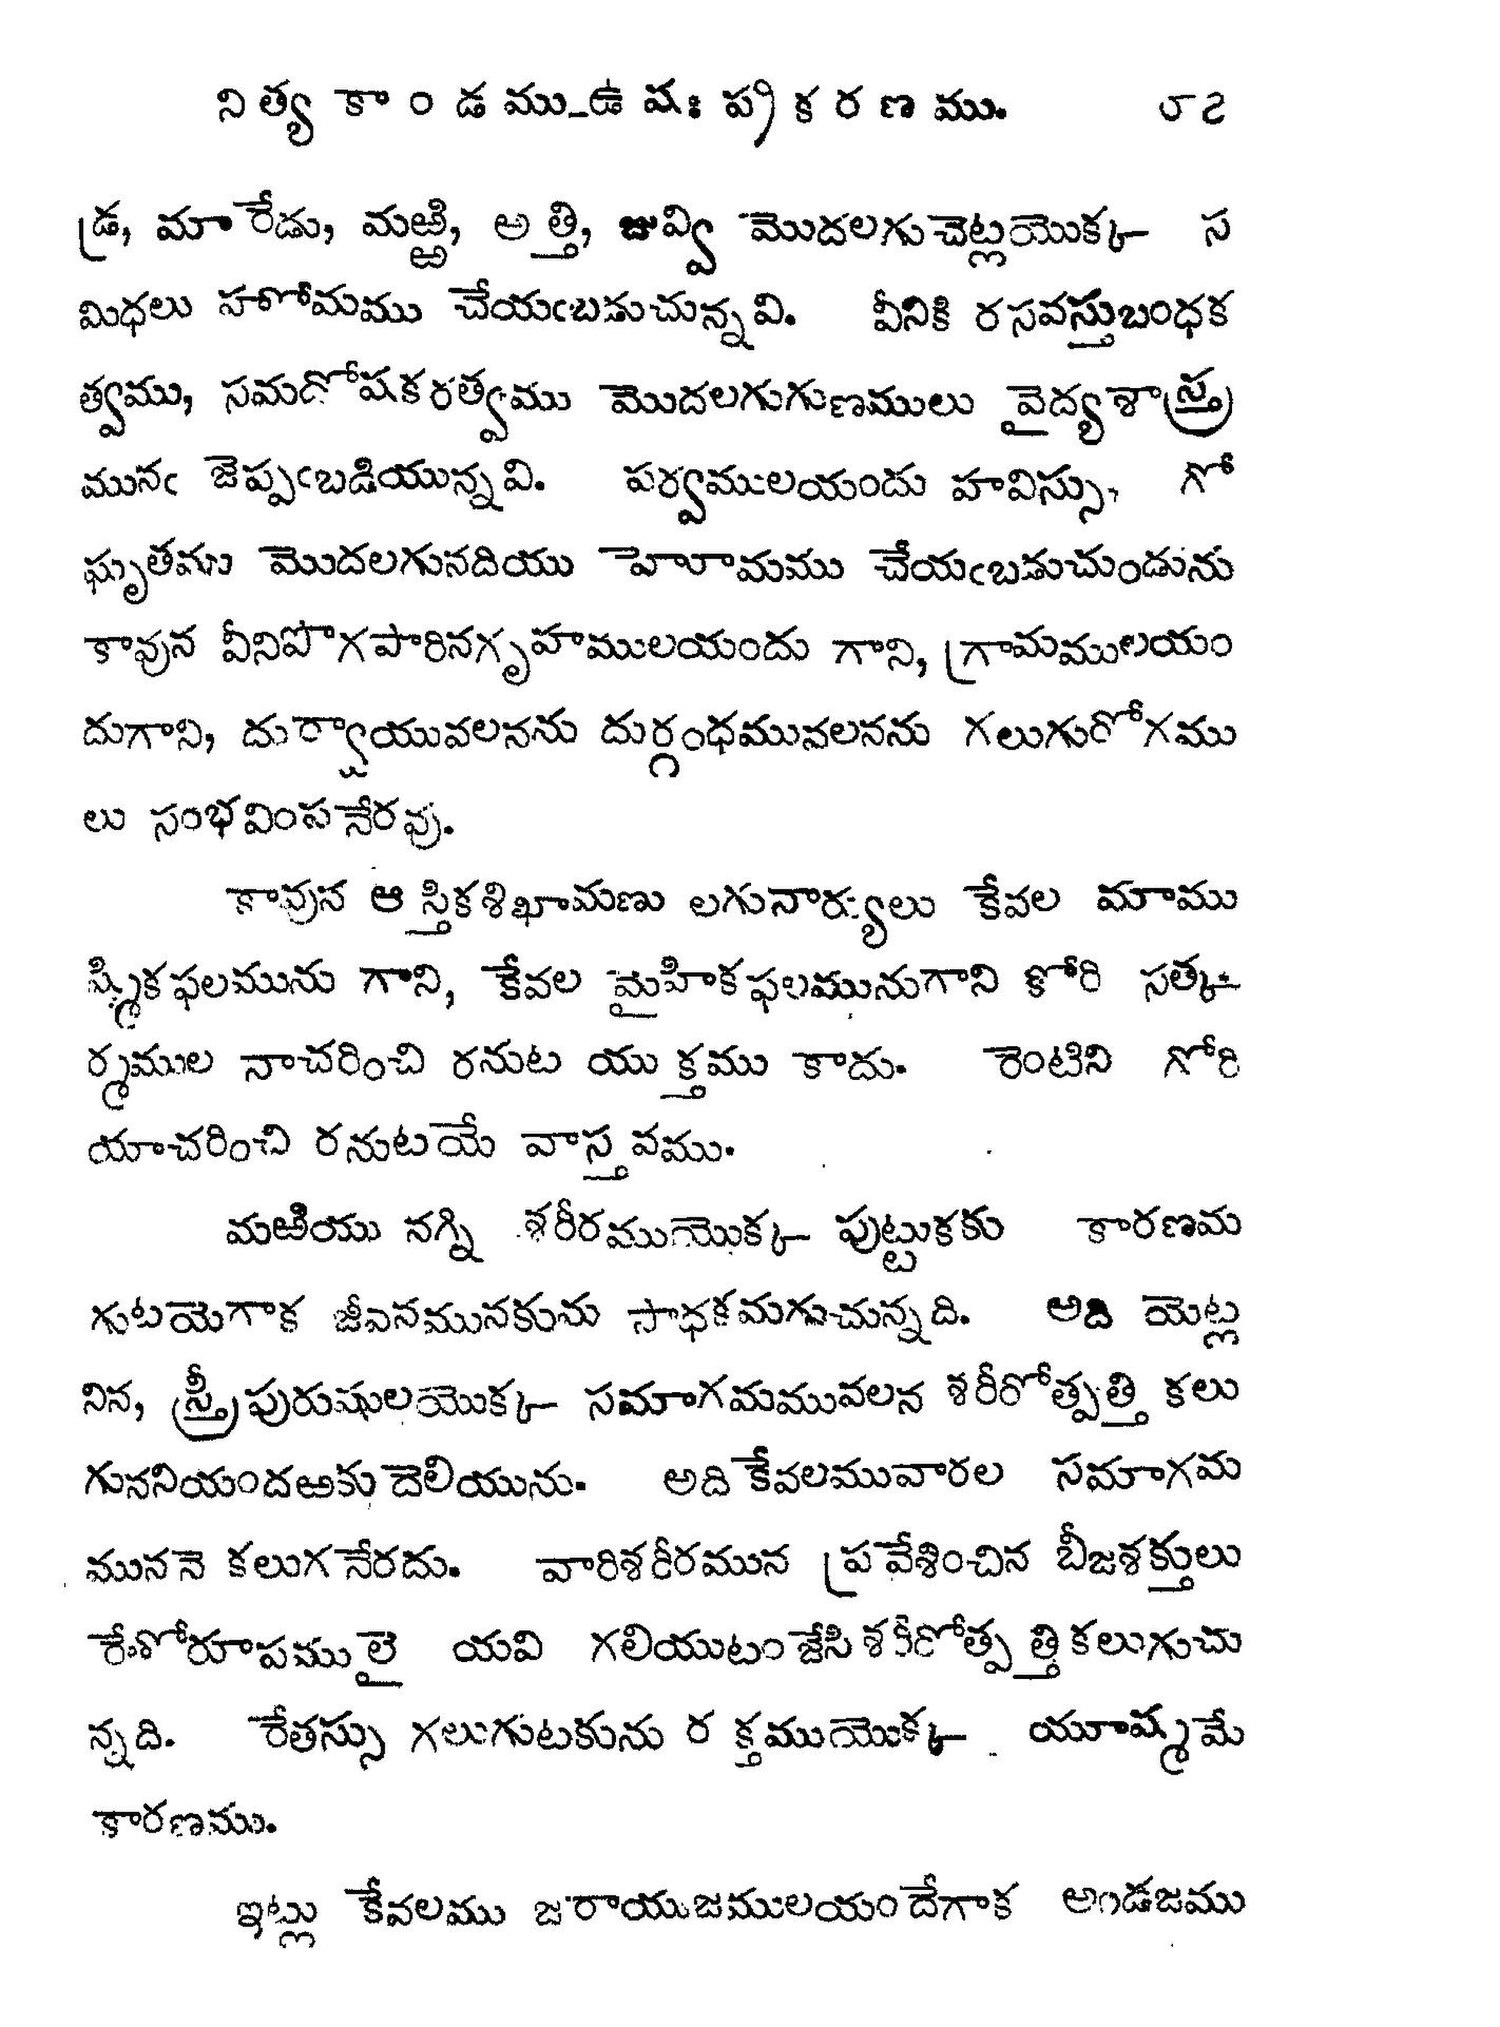డ్ర, మారేడు, మఱ్ఱి, అత్తి, జువ్వి మొదలగుచెట్లయొక్క సమిధలు హోమము చేయఁబడుచున్నవి. వీనికి రసవస్తుబంధకత్వము, సమదోషకరత్వము మొదలగుగుణములు వైద్యశాస్త్రమునఁ జెప్పఁబడియున్నవి. పర్వములయందు హవిస్సు, గోఘృతము మొదలగునదియు హెూమము చేయఁబడుచుండును కావున వీనిపొగపారినగృహములయందు గాని, గ్రామములయందుగాని, దుర్వాయువలనను దుర్గంధమువలనను గలుగురోగములు సంభవింపనేరవు.

కావున ఆస్తికశిఖామణు లగునార్యులు కేవల మాముష్మికఫలమును గాని, కేవల మైహికఫలమునుగాని కోరి సత్కర్మముల నాచరించి రనుట యుక్తము కాదు. రెంటిని గోరి యాచరించి రనుటయే వాస్తవము.

మఱియు నగ్ని శరీరముయొక్క పుట్టుకకు కారణమగుటయెగాక జీవనమునకును సాధకమగుచున్నది. అది యెట్లనిన, స్త్రీపురుషులయొక్క సమాగమమువలన శరీరోత్పత్తి కలుగుననియందఱకుదెలియును. అది కేవలమువారల సమాగమముననె కలుగనేరదు. వారిశరీరమున ప్రవేశించిన బీజశక్తులు రేతోరూపములై యవి గలియుటంజేసి శరీరోత్పత్తికలుగుచున్నది. రేతస్సు గలుగుటకును రక్తముయొక్క యూష్మమే కారణము.

ఇట్లు కేవలము జరాయుజములయందేగాక అండజము